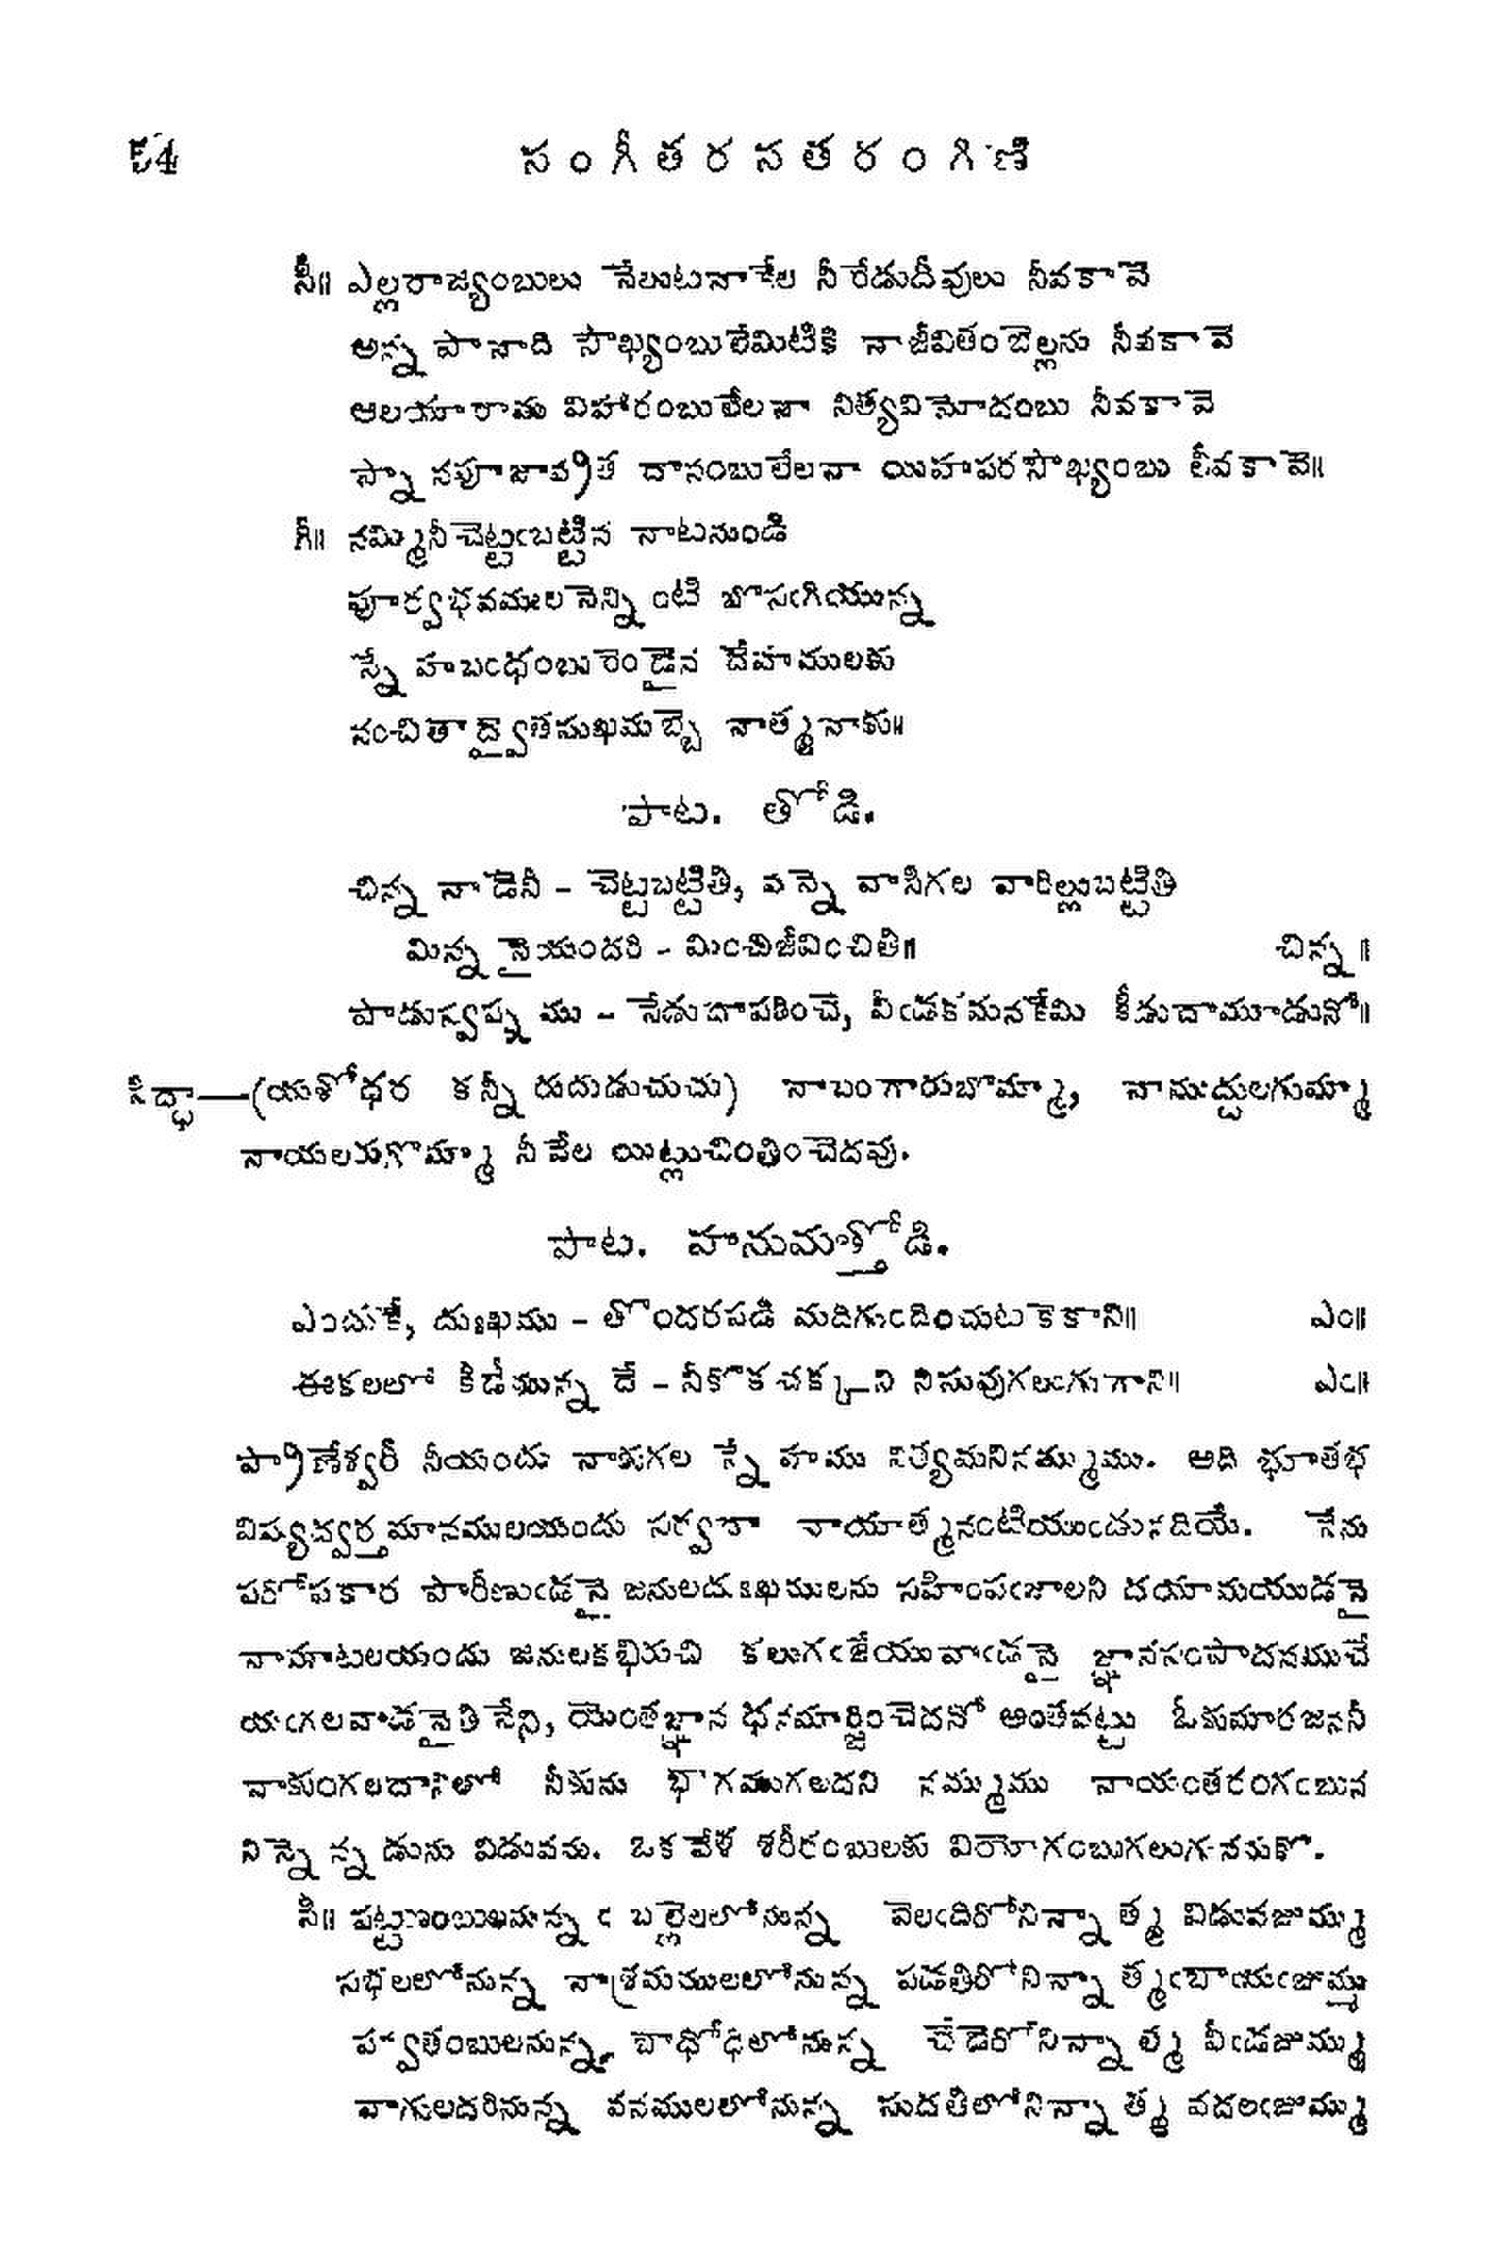సీ॥ ఎల్లరాజ్యంబులు నేలుటనాకేల నీరేడుదీవులు నీవకావె 
అన్న పానాది సౌఖ్యంబులేమిటికి నాజీవితంబెల్లను నీవకావె
ఆలయారామ విహారంబులేలనా నిత్యవిమోదంబు నీవకావె
స్నానపూజావ్రత దాసంబులేలవా యిహపర సౌఖ్యంబు లీవకావే॥ 

గీ॥ నమ్మినీచెట్టఁబట్టిన నాటనుండి
పూర్వభవముల నెన్నింటి బొసఁగియున్న
స్నేహబంధంబు రెండైన దేహములకు
సంచితాద్వైతసుఖమబ్బె నాత్మనాకు॥ 

చిన్న నాడేనీ - చెట్టబట్టితి, వన్నెవాసిగల వారిల్లుబట్టితి
మిన్ననైయందరి - మించిజీవించితి॥ ॥చిన్న॥ ఎం॥
పాడుస్వప్నము - నేడుదాపరించే, వీఁడకమనకేమి కీడుచామూడునో॥  

సిద్ధా — (యశోధర కన్నీరుదుడుచుచు) నాబంగారుబొమ్మా, నాముద్దులగుమ్మా నాయలరుగొమ్మా నీ వేళ యిట్లుచింతించెదవు.

ఎందుకే, దుఃఖము తొందరపడి మదిగుఁదించుటకె కాని॥ ॥ఎం॥ 
ఈకలలో కీడేమున్న దే – నీకొకచక్కని శిసువుగలఁగు గాని॥ ॥ఎం॥

ప్రాణేశ్వరీ నీయందు నాకుగల స్నేహము నిత్యమనినమ్ముము. అది భూతభవిష్యద్వర్తమానములయందు సర్వదా నాత్మనంటి
యుఁడునదియే. నేను పరోపకార పారీణుఁడనై జనులదుఃఖములను సహింపజాలని దయామయుడనై నామాటలయందు జనులకభిరుచి కలుగఁజేయువాఁడనై జ్ఞానసంపాదనముచేయఁగలవాడనైతినేని, యెంకజ్ఞాన ధనమార్జించెదనో అంతవట్టు ఓకుమారజననీ నాకుంగలదానిలో నీకును భాగముగలదని నమ్ముము నాయంతరంగంబున నిన్నెన్నడును విడువను. ఒక వేళ శరీరంబులకు వియోగంబుగలుగుననుకో.

సీ॥ పట్టణంబులనున్నఁ బల్లెలలోనున్న వెలఁదిరోనిన్నాత్మ విడువజుమ్ము
సభలలోనున్న నాశ్రమములలోనున్న పడతిరోనిన్నాత్మఁబాయఁజుమ్ము 
పర్వతంబులనున్న, బాధోధిలోనున్న చేడెరోనిన్నాత్మ వీఁడజుమ్ము
వాగులదరినున్న వనములలోనున్న సుదతిలోనిన్నాత్మ వదలఁజుమ్ము